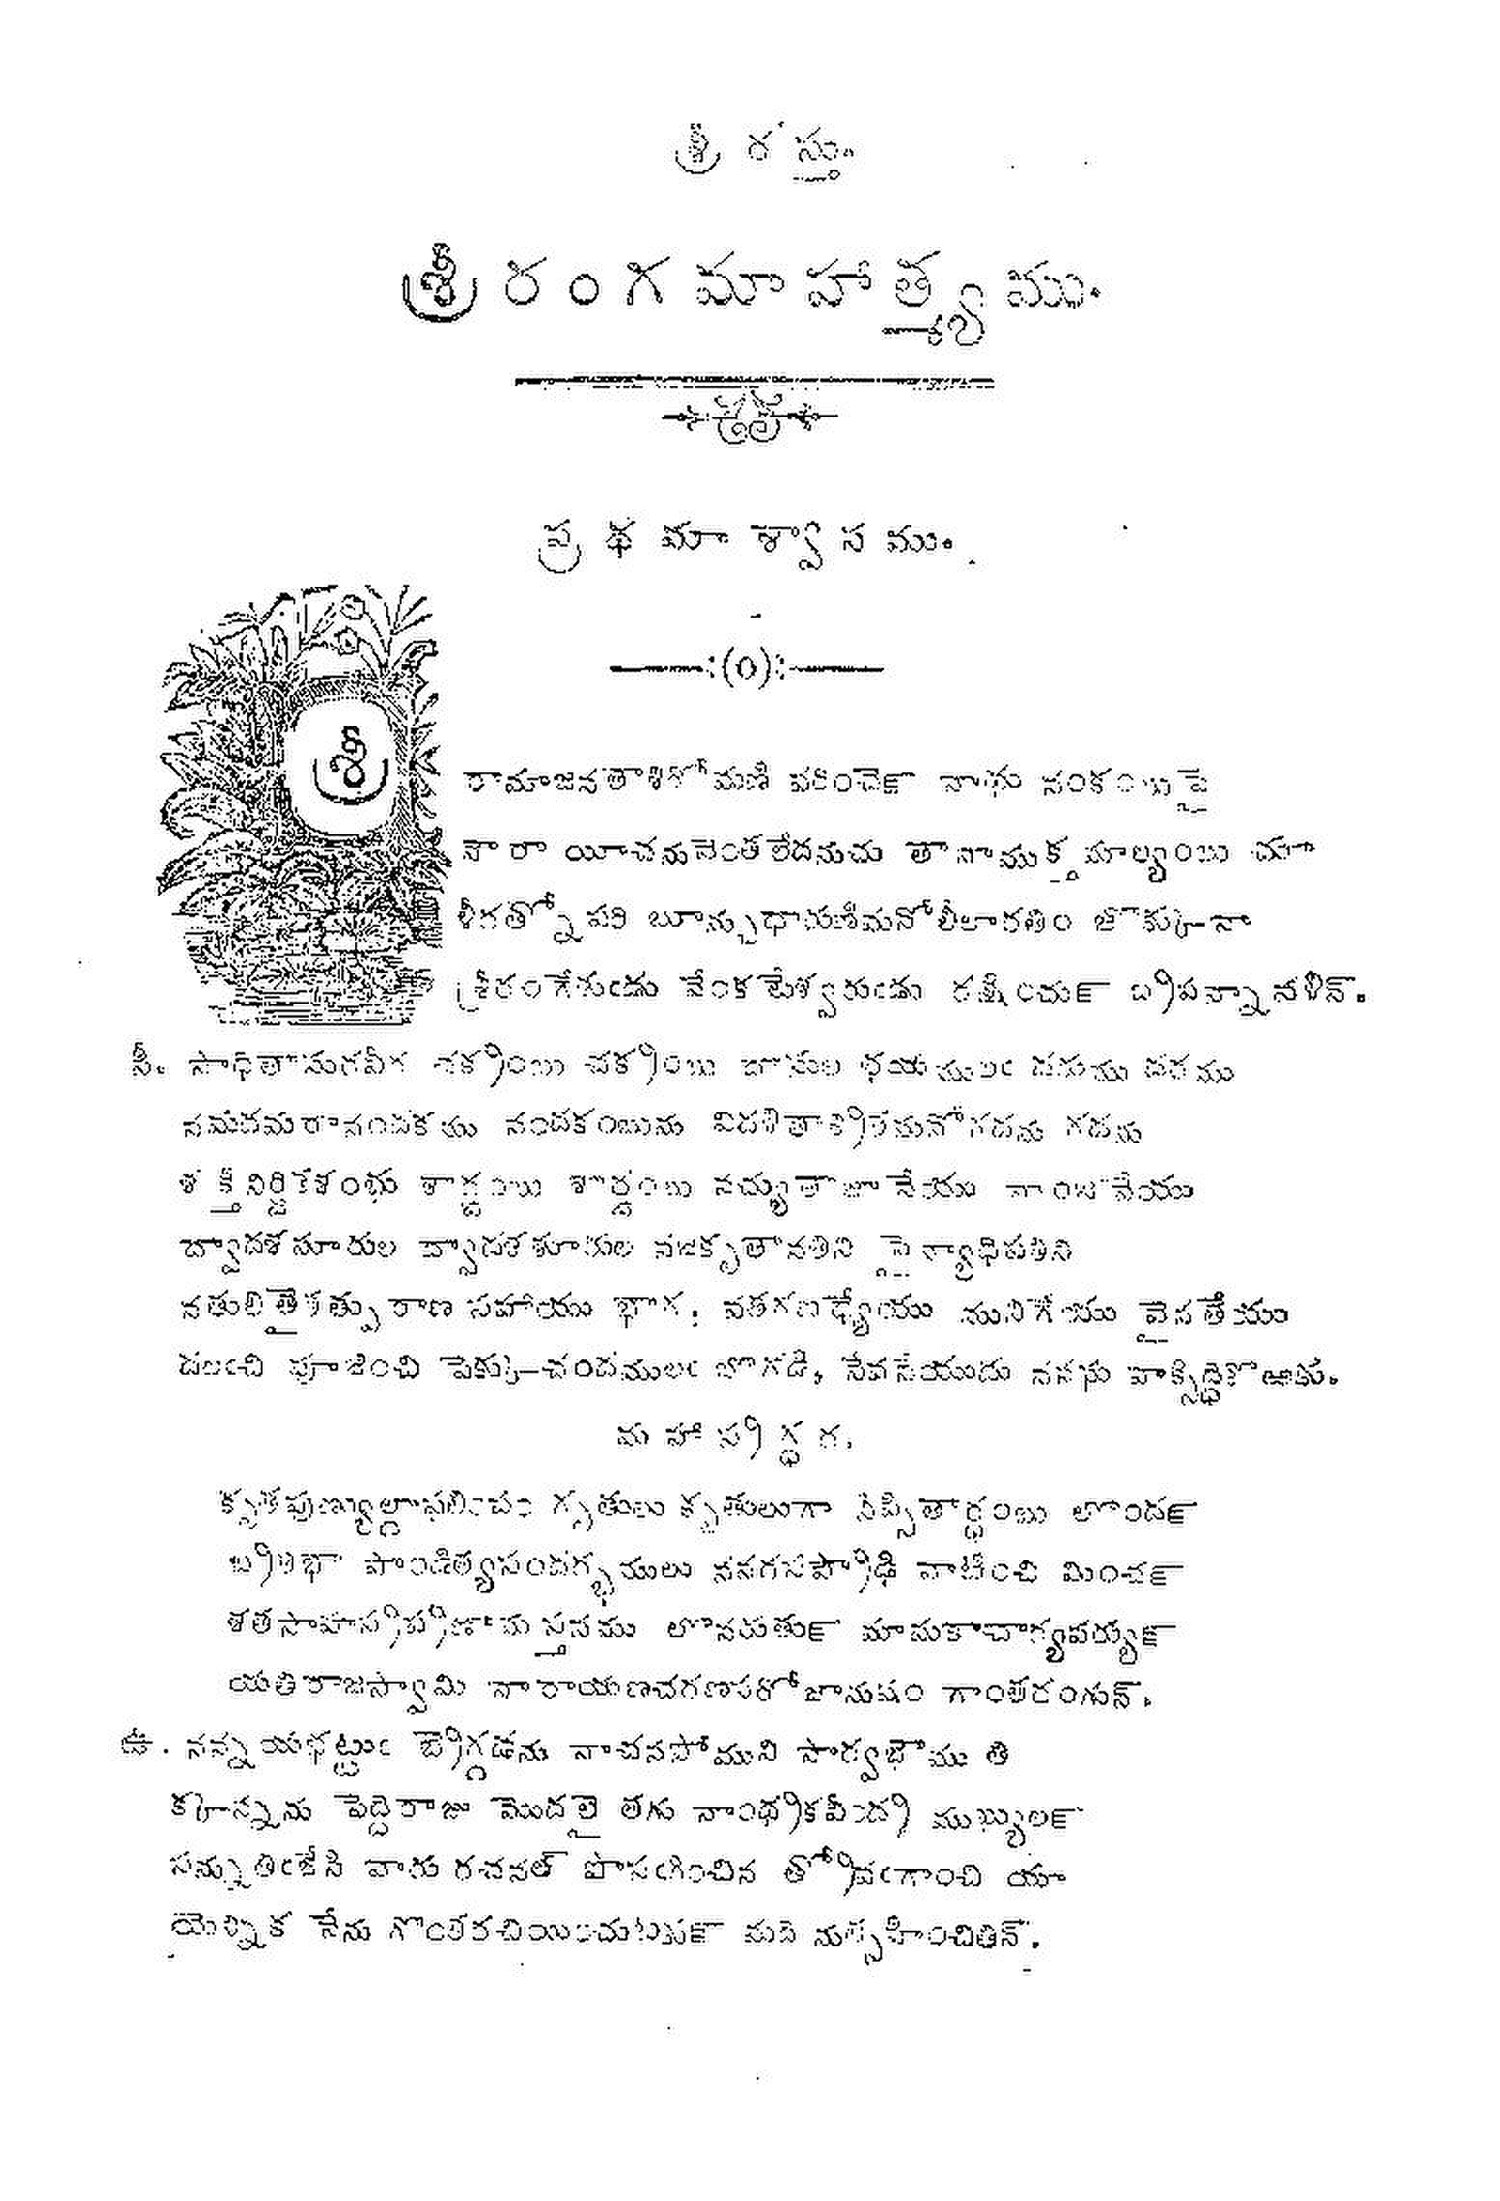శ్రీరామాజనతాశిరోమణి వరించెన్ నాథు నంకంబుపై
 నౌరా యీచనునెంతలేదనుచు తా నాముక్తమాల్యంబు చూ
 ళీరత్నోపరి బూన్చుధారుణి మనోలీలారతిం జొక్కునా
 శ్రీరంగేశుఁడు వేంకటేశ్వరుఁడు రక్షించున్ బ్రపన్నావళిన్.

సీ. సాధితాసురవీర చక్రంబు చక్రంబు దాసుల భయములఁ దరుము దరము
 నమదమరానందకము నందకంబును విదళితాశ్రితమనోగదను గదను
 శక్తినిర్జితశంభు శార్ఙ్గంబు శార్ఙ్గంబు నచ్యుతాజానేయు నాంజనేయు
 ద్వాదశసూరుల ద్వాదశశూరుల నజకృతానతిని సైన్యాధిపతిని
 నతులితైతత్పురాణసహాయు భాగ; వతగణధ్యేయు మునిగేయు వైనతేయు
 దలఁచి పూజించి పెక్కుచందములఁ బొగడి, సేవసేయుదు ననఘ వాక్సిద్ధికొఱకు.

మహాస్రగ్ధర. కృతపుణ్యుల్గాఫలింపం గృతులు కృతులుగా నీప్సితార్థంబు లొందన్
 బ్రతిభా పాండిత్యసందర్భములు నవరసప్రౌఢి వాటించి మించన్
 శతసాహస్రప్రణామస్తవము లొనరుతున్ మామకాచార్యవర్యున్
 యతిరాజస్వామి నారాయణచరణసరోజానుషం గాంతరంగున్. 

ఉ. నన్నయభట్టు బ్రెగ్గడను నాచనసోముని సార్వభౌము తి
 క్కన్నను పెద్దిరాజు మొదలై తగు నాంధ్రకవీంద్ర ముఖ్యులన్
 సన్నుతిఁ జేసి వారు రచనల్ పొసఁగించిన త్రోవఁగాంచి యా
 యెన్నిక నేను గొంతరచియించుటకున్ మది నుత్సహించితిన్.